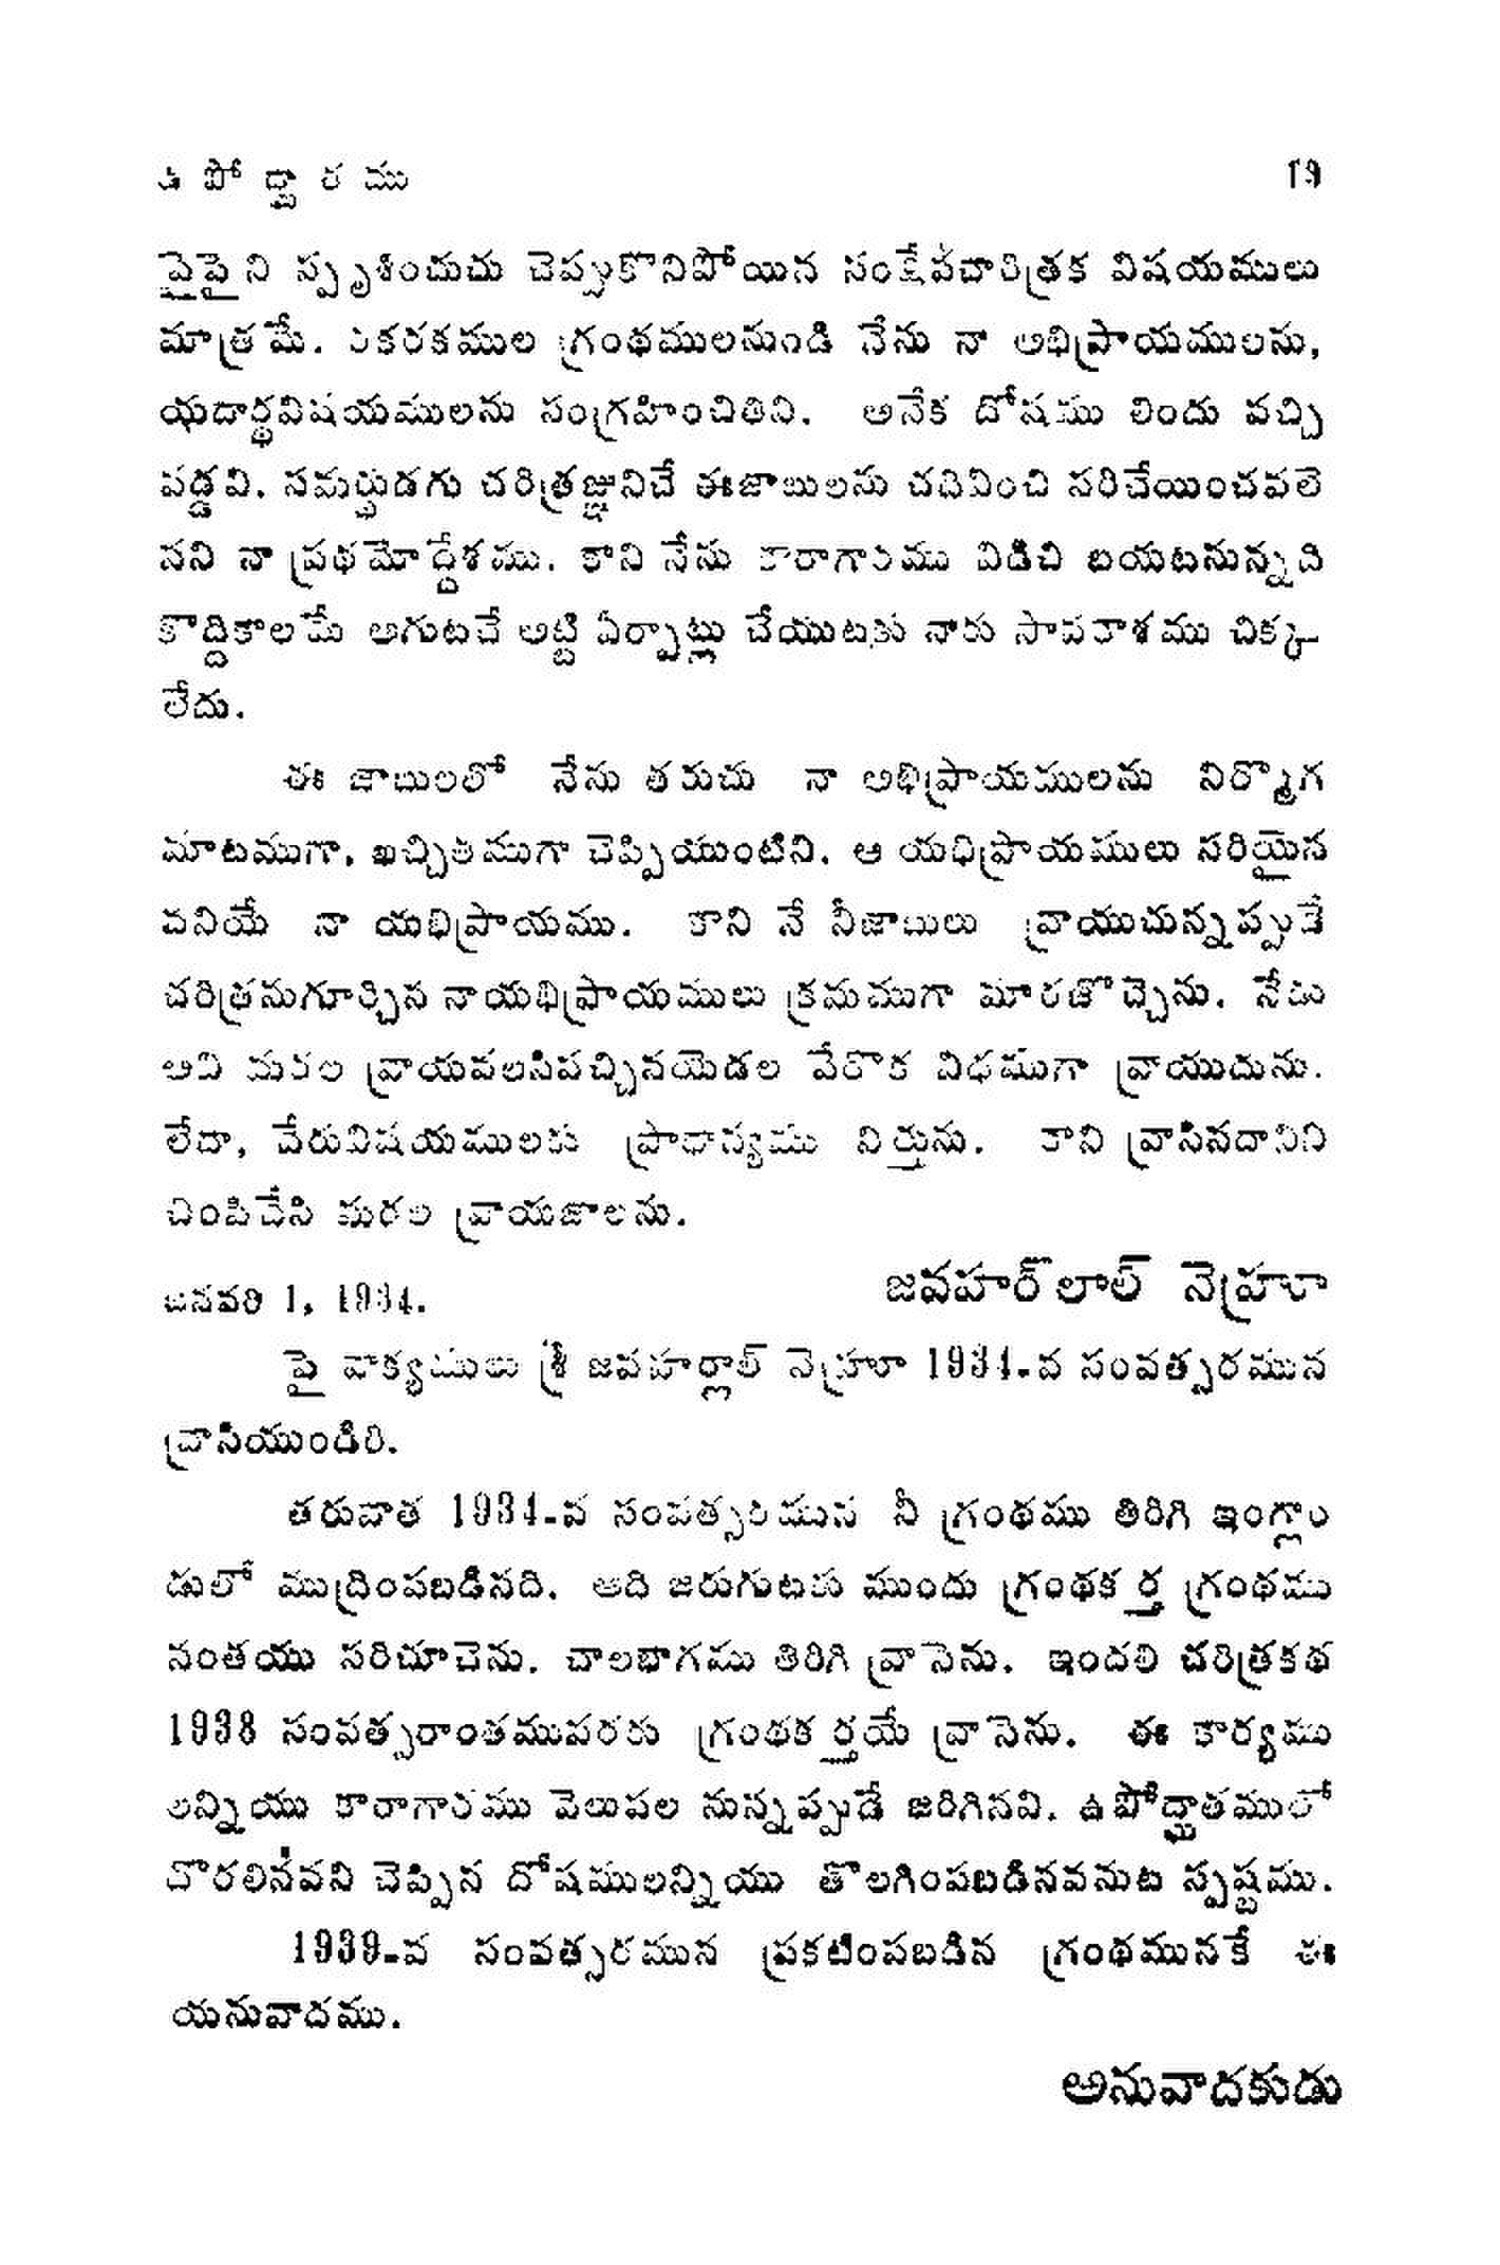పైపైని స్పృశించుచు చెప్పుకొనిపోయిన సంక్షేపచారిత్రక విషయములు మాత్రమే. రకరకముల గ్రంథములనుండి నేను నా అభిప్రాయములను, యదార్థవిషయములను సంగ్రహించితిని. అనేక దోషము లిందు వచ్చి పడ్డవి. సమర్దుడగు చరిత్రజ్ఞునిచే ఈ జాబులను చదివించి సరిచేయించవలె నని నా ప్రథమోద్దేశము. కాని నేను కారాగారము విడిచి బయటనున్నది కొద్దికాలమే అగుటచే అట్టి ఏర్పాట్లు చేయుటకు నాకు సావకాశము చిక్కలేదు.

ఈ జాబులలో నేను తరుచు నా అభిప్రాయములను నిర్మొగమాటముగా, ఖచ్చితముగా చెప్పియుంటిని. ఆ యభిప్రాయములు సరియైన వనియే నా యభిప్రాయము. కాని నే నీజాబులు వ్రాయుచున్నప్పుడే చరిత్రనుగూర్చిన నాయభిప్రాయములు క్రమముగా మారజొచ్చెను. నేడు అవి మరల వ్రాయవలసివచ్చినయెడల వేరొక విధముగా వ్రాయుదును. లేదా, వేరువిషయములకు ప్రాధాన్యము నిత్తును. కాని వ్రాసినదానిని చింపివేసి మరల వ్రాయజాలను. 

జనవరి 1, 1934.

పై వాక్యములు శ్రీ జవహర్లాల్ నెహ్రూ 1934 వ సంవత్సరమున వ్రాసియుండిరి.

తరువాత 1934 వ సంవత్సరమున నీ గ్రంథము తిరిగి ఇంగ్లాండులో ముద్రింపబడినది. అది జరుగుటకు ముందు గ్రంథకర్త గ్రంథము నంతయు సరిచూచెను. చాలభాగము తిరిగి వ్రాసెను. ఇందలి చరిత్రకథ 1938 సంవత్సరాంతముపరకు గ్రంథకర్తయే వ్రాసెను. ఈ కార్యములన్నియు కారాగారము వెలుపల నున్నప్పుడే జరిగినవి. ఉపోద్ఘాతములో దొరలినవని చెప్పిన దోషములన్నియు తొలగింపబడినవనుట స్పష్టము .

1939-వ సంవత్సరమున ప్రకటింపబడిన గ్రంథమునకే ఈ యనువాదము.